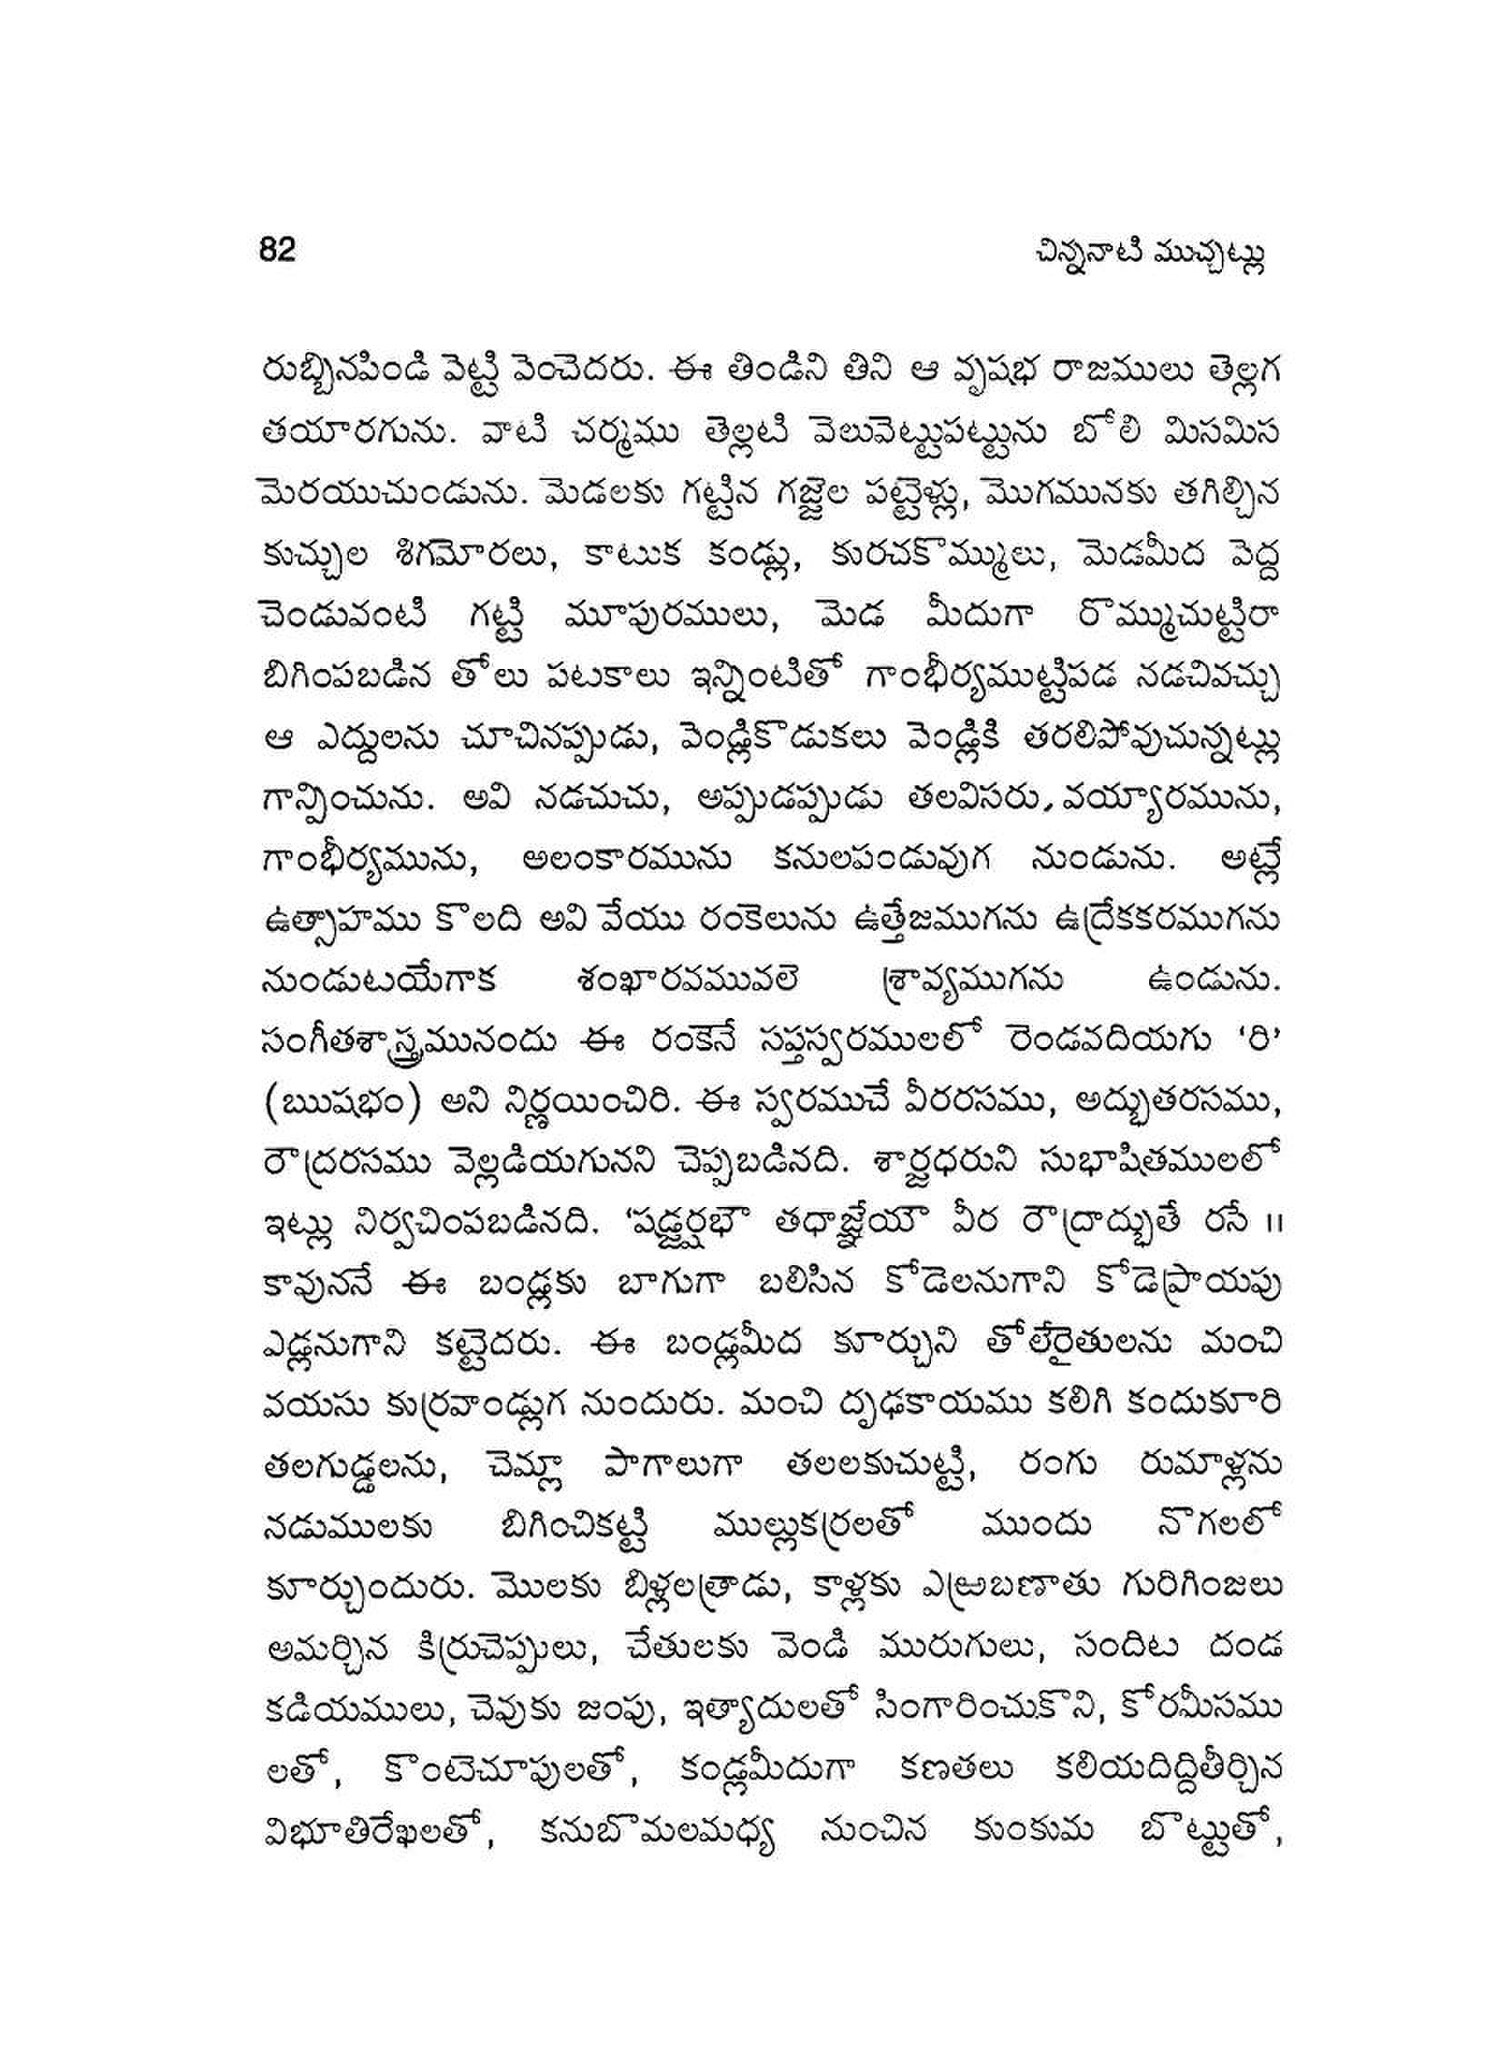రుబ్ళినపిండి పెట్టి పెంచెదరు. ఈ తిండిని తిని ఆ వృషభ రాజములు తెల్లగ తయారగును. వాటి చర్మము తెల్లటి వెలువెట్టుపట్టును బోలి మిసమిస మెరయుచుండును. మెడలకు గట్టిన గజ్జెల పట్టెళ్లు, మొగమునకు తగిల్చిన కుచ్చుల శిగమోరలు, కాటుక కండ్లు, కురచకొమ్ములు, మెడమీద పెద్ద చెండువంటి గట్టి మూపురములు, మెడ మీదుగా రొమ్ముచుట్టిరా బిగింపబడిన తోలు పటకాలు ఇన్నింటితో గాంభీర్యముట్టిపడ నడచివచ్చు ఆ ఎద్దులను చూచినప్పుడు, పెండ్లికొడుకలు పెండ్లికి తరలిపోవుచున్నట్లు గాన్పించును. అవి నడచుచు, అప్పుడప్పుడు తలవిసరు, వయ్యారమును, గాంభీర్యమును, అలంకారమును కనులపండువుగ నుండును. అట్లె ఉత్సాహము కొలది అవి వేయు రంకెలును ఉత్తేజముగను ఉద్రేకకరముగను నుండుటయేగాక శంఖారవమువలె శ్రావ్యముగను ఉండును. సంగీతశాస్త్రమునందు ఈ రంకెనే సప్తస్వరములలో రెండవదియగు 'రి' (ఋషభం) అని నిర్ణయించిరి. ఈ స్వరముచే వీరరసము, అద్భుతరసము, రౌద్రరసము వెల్లడియగునని చెప్పబడినది. శార్జధరుని సుభాషితములలో ఇట్లు నిర్వచింపబడినది. "పడ్డర్షభౌ తధాజ్ఞౌయౌ వీర రౌద్రాద్భుతే రసే || కావుననే ఈ బండ్లకు బాగుగా బలిసిన కోడెలనుగాని కోడెప్రాయపు ఎడ్లనుగాని కట్టెదరు. ఈ బండ్లమీద కూర్చుని తోలేరైతులను మంచి వయసు కుర్రవాండ్లుగనుందురు. మంచి దృఢకాయము కలిగి కందుకూరి తలగుడ్డలను, చెమ్లా పాగాలుగా తలలకుచుట్టి, రంగు రుమాళ్లను నడుములకు బిగించికట్టి ముల్లుకర్రలతో ముందు నొగలలో కూర్చుందురు. మొలకు బిళ్లలత్రాడు, కాళ్లకు ఎఱ్ఱబణాతు గురిగింజలు అమర్చిన కిర్రుచెప్పలు, చేతులకు వెండి మురుగులు, సందిట దండ కడియములు, చెవుకు జంపు, ఇత్యాదులతో సింగారించుకొని, కోరమీసములతో, కొంటెచూపులతో, కండ్లమీదుగా కణతలు కలియదిద్దితీర్చిన విభూతిరేఖలతో, కనుబొమలమధ్య నుంచిన కుంకుమ బొట్టుతో,